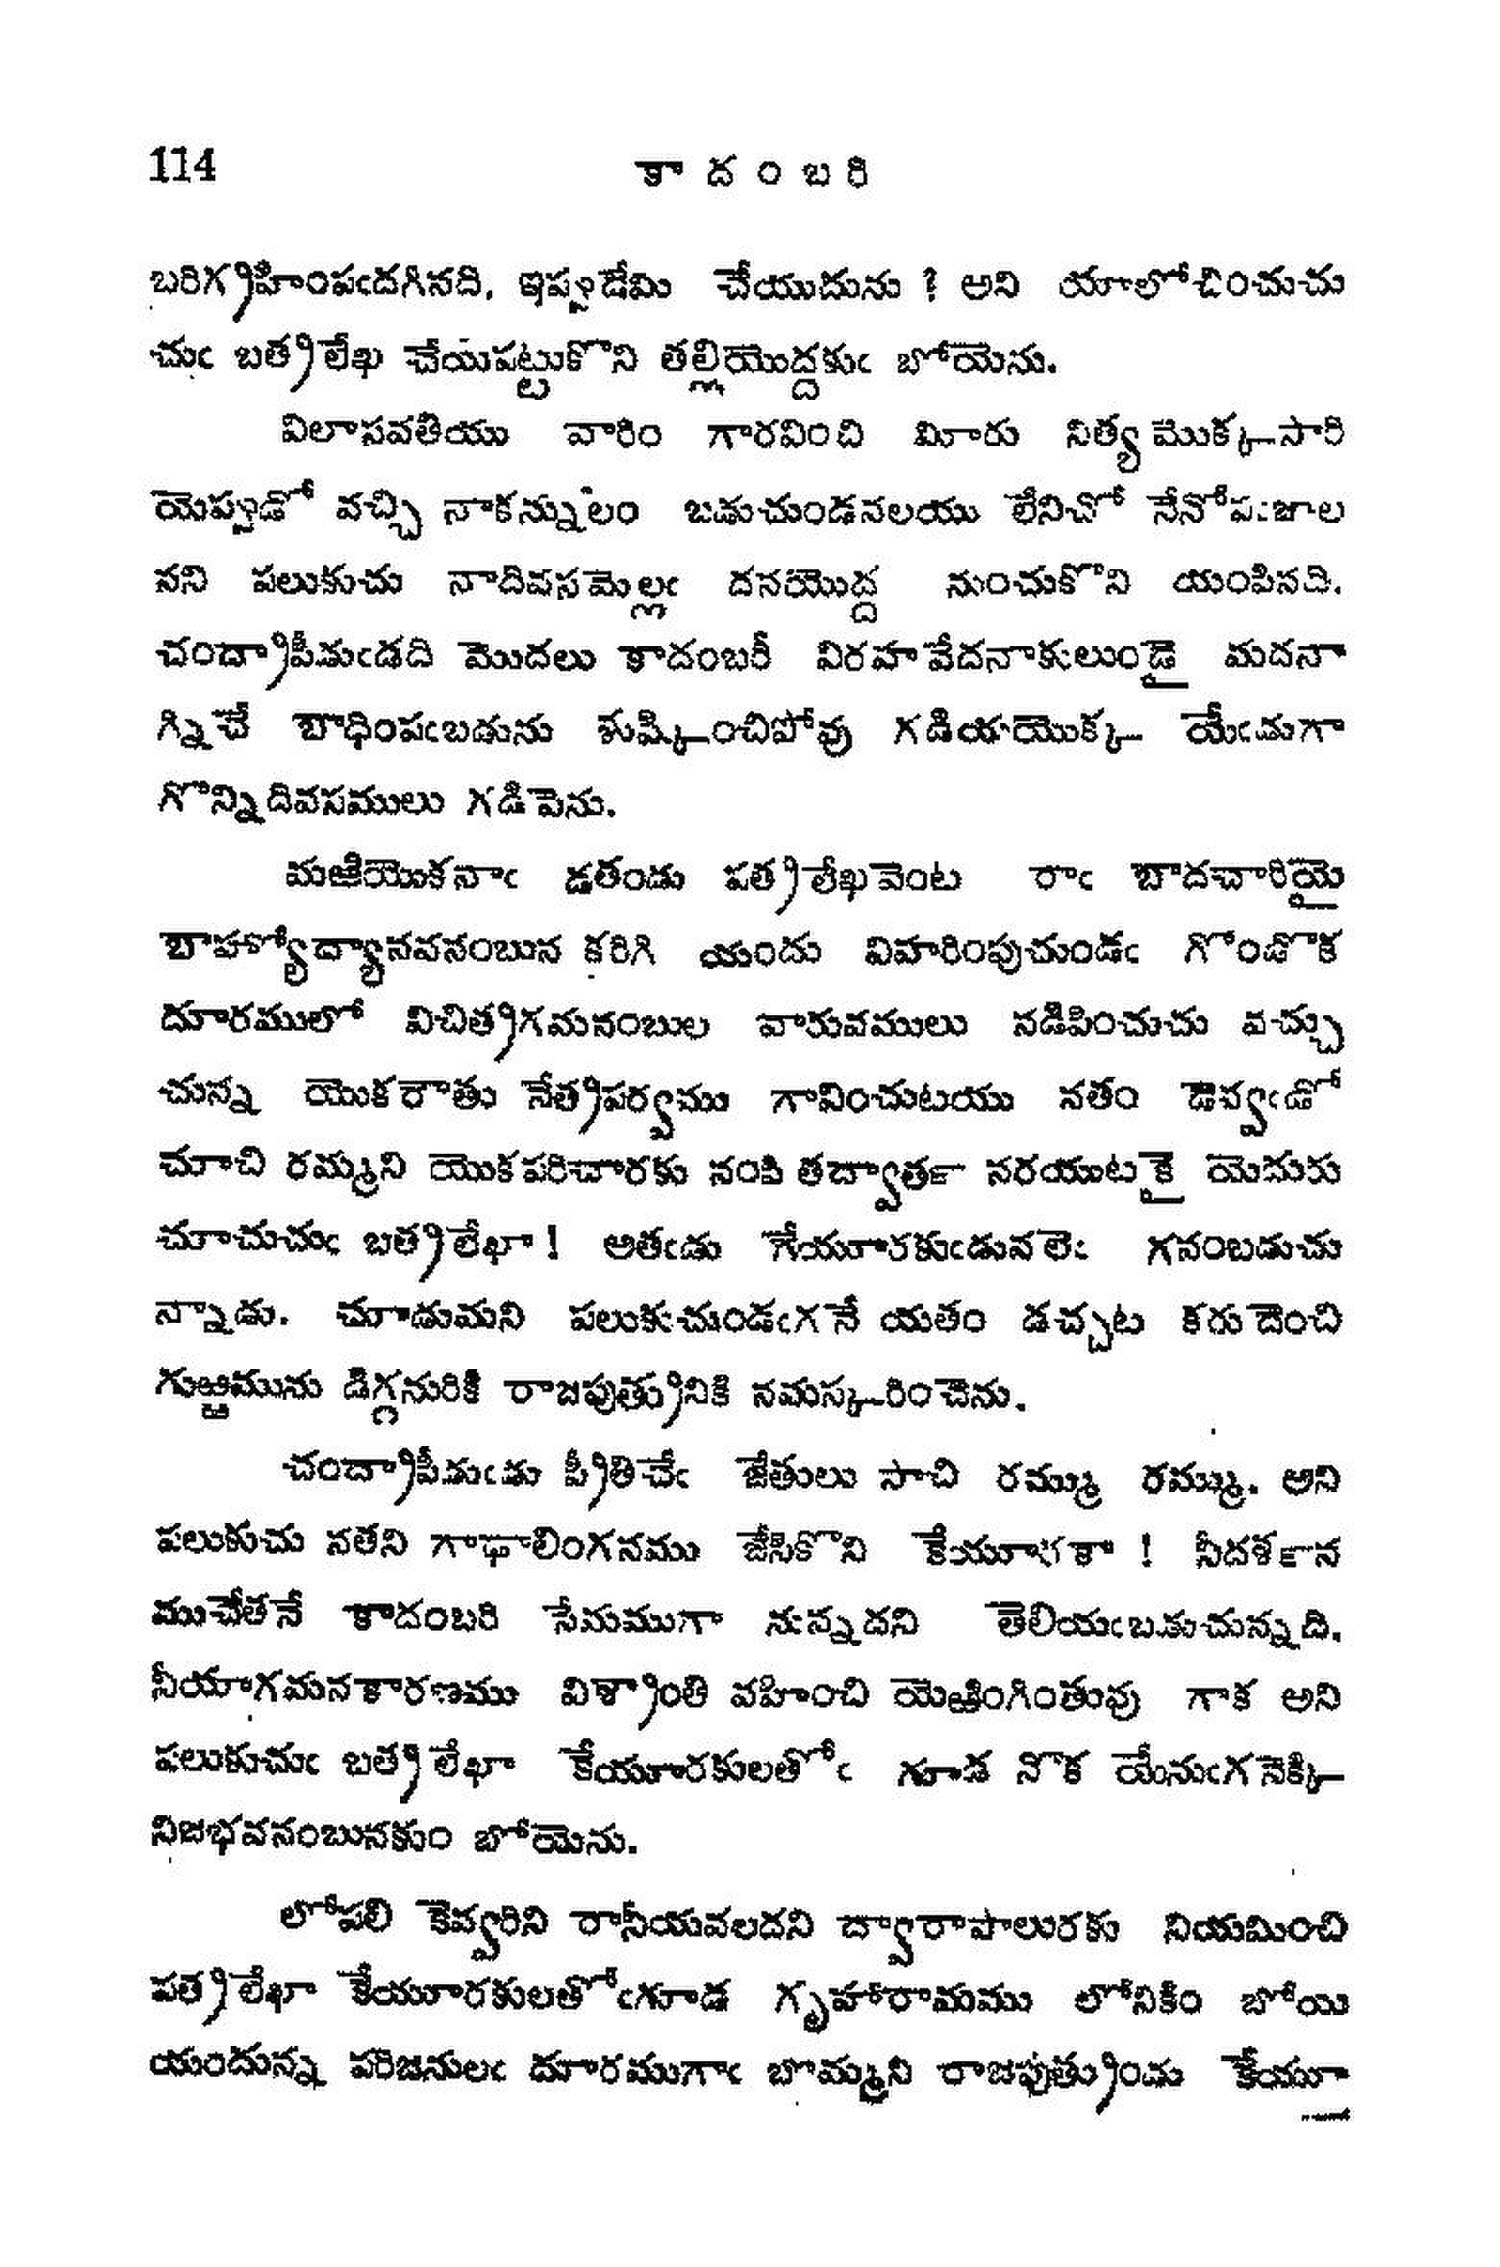బరిగ్రహింపఁదగినది. ఇప్పుడేమి చేయుదును? అని యాలోచించుచుఁ బత్రలేఖ చేయిపట్టుకొని తల్లియొద్దకుఁ బోయెను.

విలాసవతియు వారిం గారవించి మీరు నిత్యమొక్కసారి యెప్పుడో వచ్చి నాకన్నులం బడుచుండవలయు లేనిచో నేనోపఁజాలనని పలుకుచు నాదివసమెల్లఁ దనయొద్ద నుంచుకొని యంపినది. చంద్రాపీడుఁడది మొదలు కాదంబరీ విరహవేదనాకులుండై మదనాగ్నిచే బాధింపఁబడును శుష్కించిపోవు గడియయొక్క యేఁడుగా గొన్నిదివసములు గడిపెను.

మఱియొకనాఁ డతండు పత్రలేఖవెంట రాఁ బాదచారియై బాహ్యోద్యానవనంబున కరిగి యందు విహరింపుచుండఁ గొండొక దూరములో విచిత్రగమనంబుల వారువములు నడిపించుచు వచ్చు చున్న యొకరౌతు నేత్రపర్వము గావించుటయు నతం డెవ్వఁడో చూచి రమ్మని యొకపరిచారకు నంపి తద్వాత౯ నరయుటకై యెదురు చూచుచుఁ బత్రలేఖా! అతఁడు గేయూరకుఁడువలెఁ గనంబడుచున్నాడు. చూడుమని పలుకుచుండఁగనే యతం డచ్చట కరుదెంచి గుఱ్ఱమును డిగ్గనురికి రాజపుత్రునికి నమస్కరించెను.

చంద్రాపీడుఁడు ప్రీతిచేఁ జేతులు సాచి రమ్ము రమ్ము. అని పలుకుచు నతని గాఢాలింగనము జేసికొని కేయూరకా! నీదశ౯నముచేతనే కాదంబరి సేమముగా నున్నదని తెలియఁబడుచున్నది. నీయాగమనకారణము విశ్రాంతి వహించి యెఱింగింతువు గాక అని పలుకుచుఁ బత్రలేఖా కేయూరకులతోఁ గూడ నొక యేనుఁగనెక్కి నిజభవనంబునకుం బోయెను.

లోపలి కెవ్వరిని రానీయవలదని ద్వారాపాలురకు నియమించి పత్రలేఖా కేయూరకులతోఁగూడ గృహారామము లోనికిం బోయి యందున్న పరిజనులఁ దూరముగా బొమ్మని రాజపుత్రుండు కేయూ